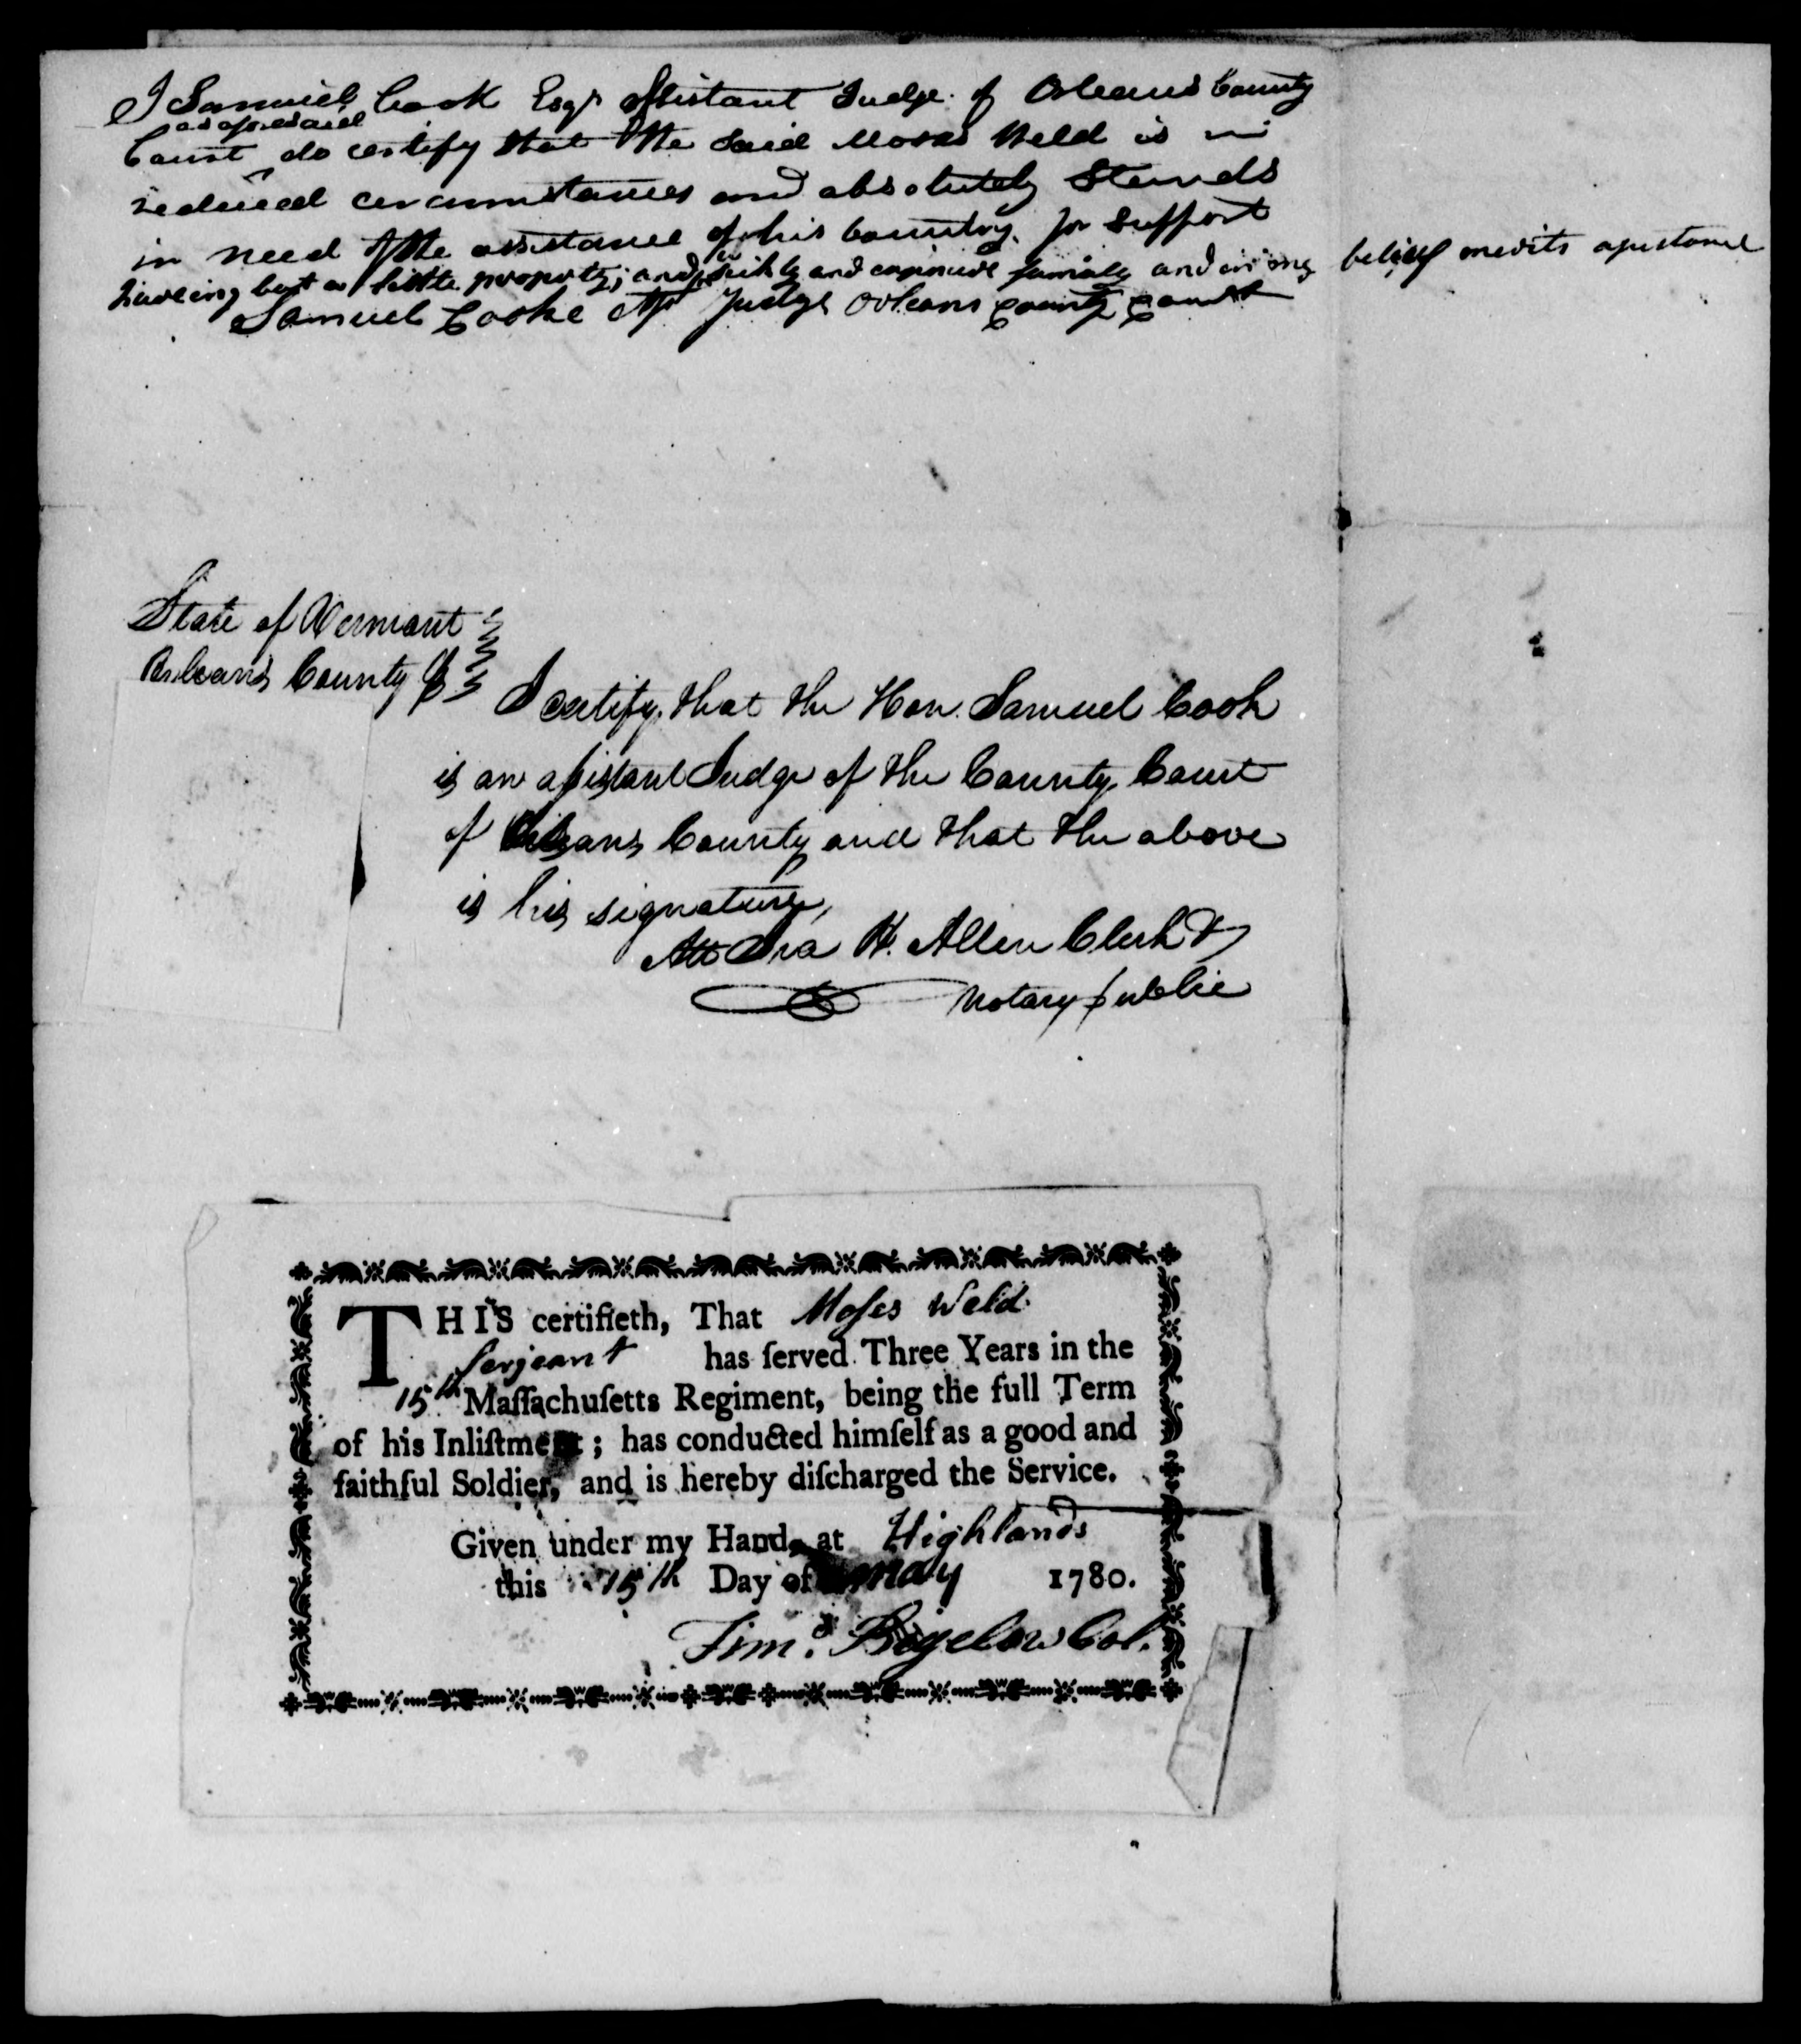I Samuel Cook Esq assistant judge of Orleans County Court do certify that the said Moses Weld   is in reduced circumstances and absolutely stands in need of the assistance of his country for support haveing but a little property; and ^w [?] and [?] family [?] and [?] belief merits [?] 
Samuel Cooke [?] Judge Orleans County Clerk

State of Vermont
Orleans County fs[?]  
I certify that the Hon Samuel Cook is an assistant Judge of the County Court of Orleans County and that the above is his signature.
Attica[?] M Allen, Clerk 
Notary Public

This certifieth, That Moses Weld Sargeant has served Three Years in the 15th Massachusetts Regiment, being the full Term of his Inlistment; has conducted himself as a good and faithful soldier, and is hereby discharged the service.
Given my Hand at Highlands, this 15th day of May 1780.
Tim. Bigelow, Col.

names: Moses Weld, Timo Bigelow, Samuel Cook, Ira H Allen, Samuel Cooke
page: 8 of 87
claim: widow's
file: W. 25,966, Moses Weld, Mass.